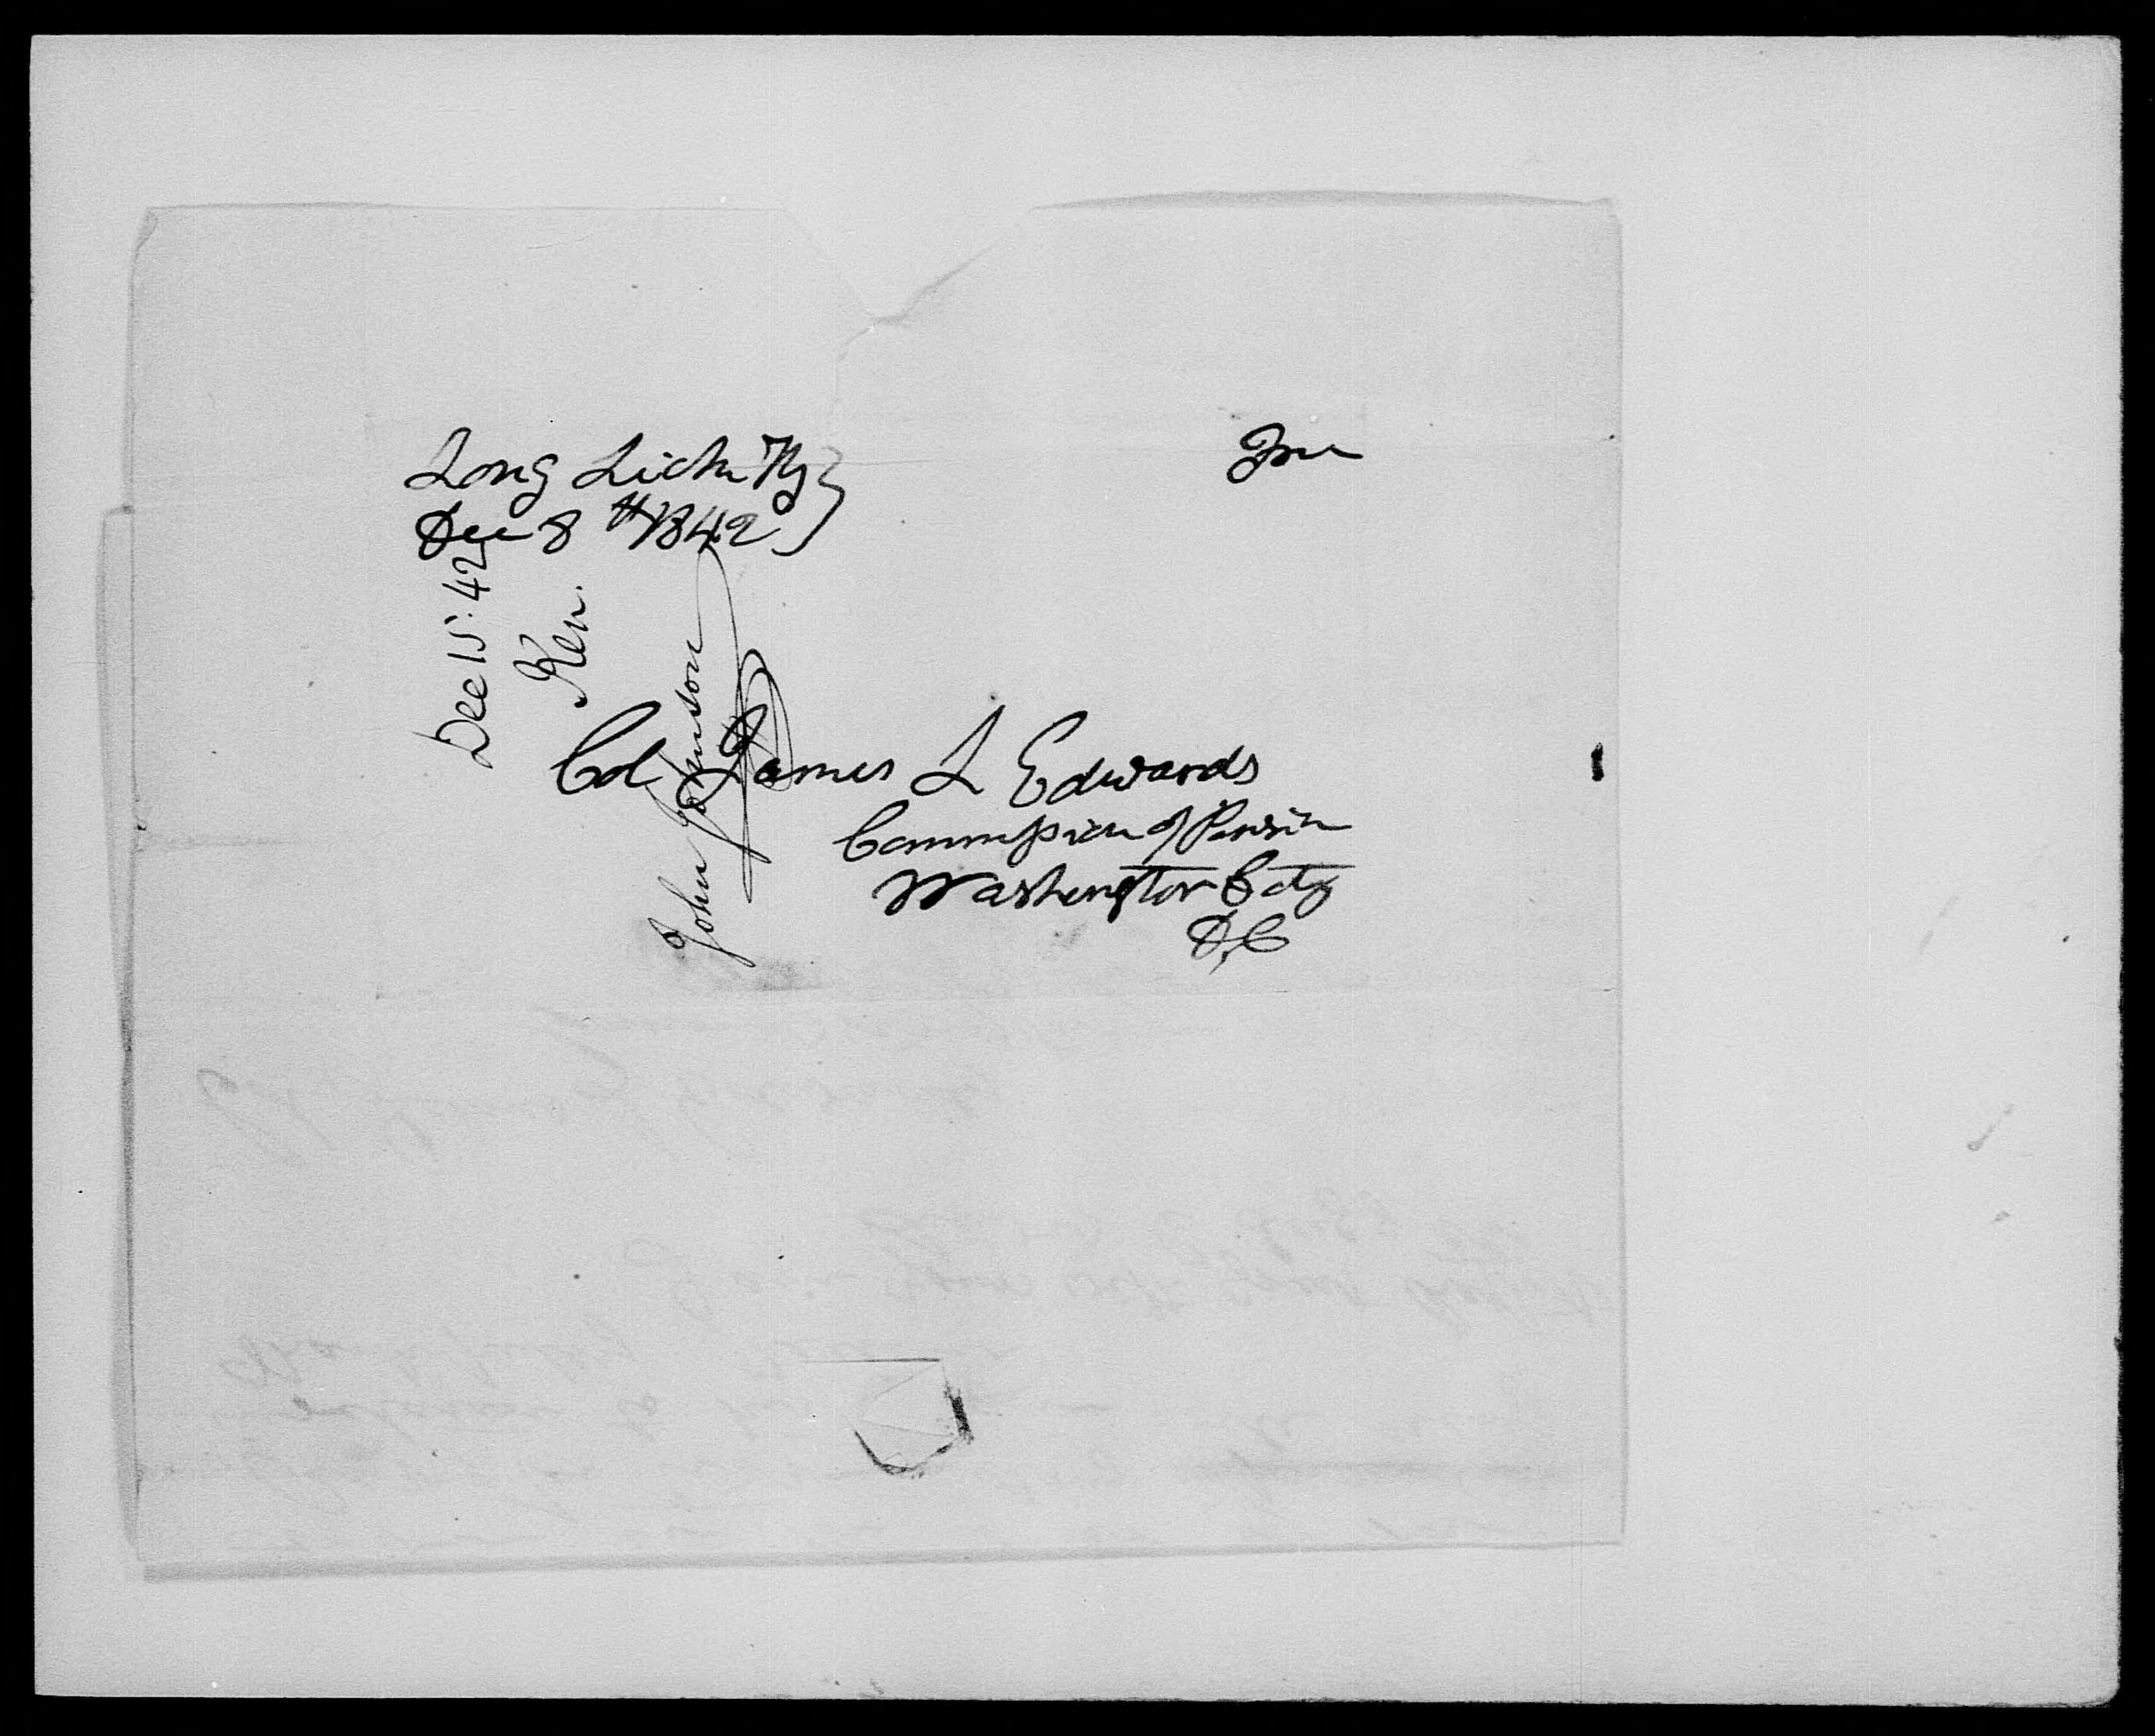Long Lick Ky Free
Dec 8th 1842
Col James L Edwards
Commissioner of Pension
Washington City
D.C

Dec 15. 42
Ken.
John Johnson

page: 15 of 16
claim: rejected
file: R. 5634, for John Johnson, Virginia